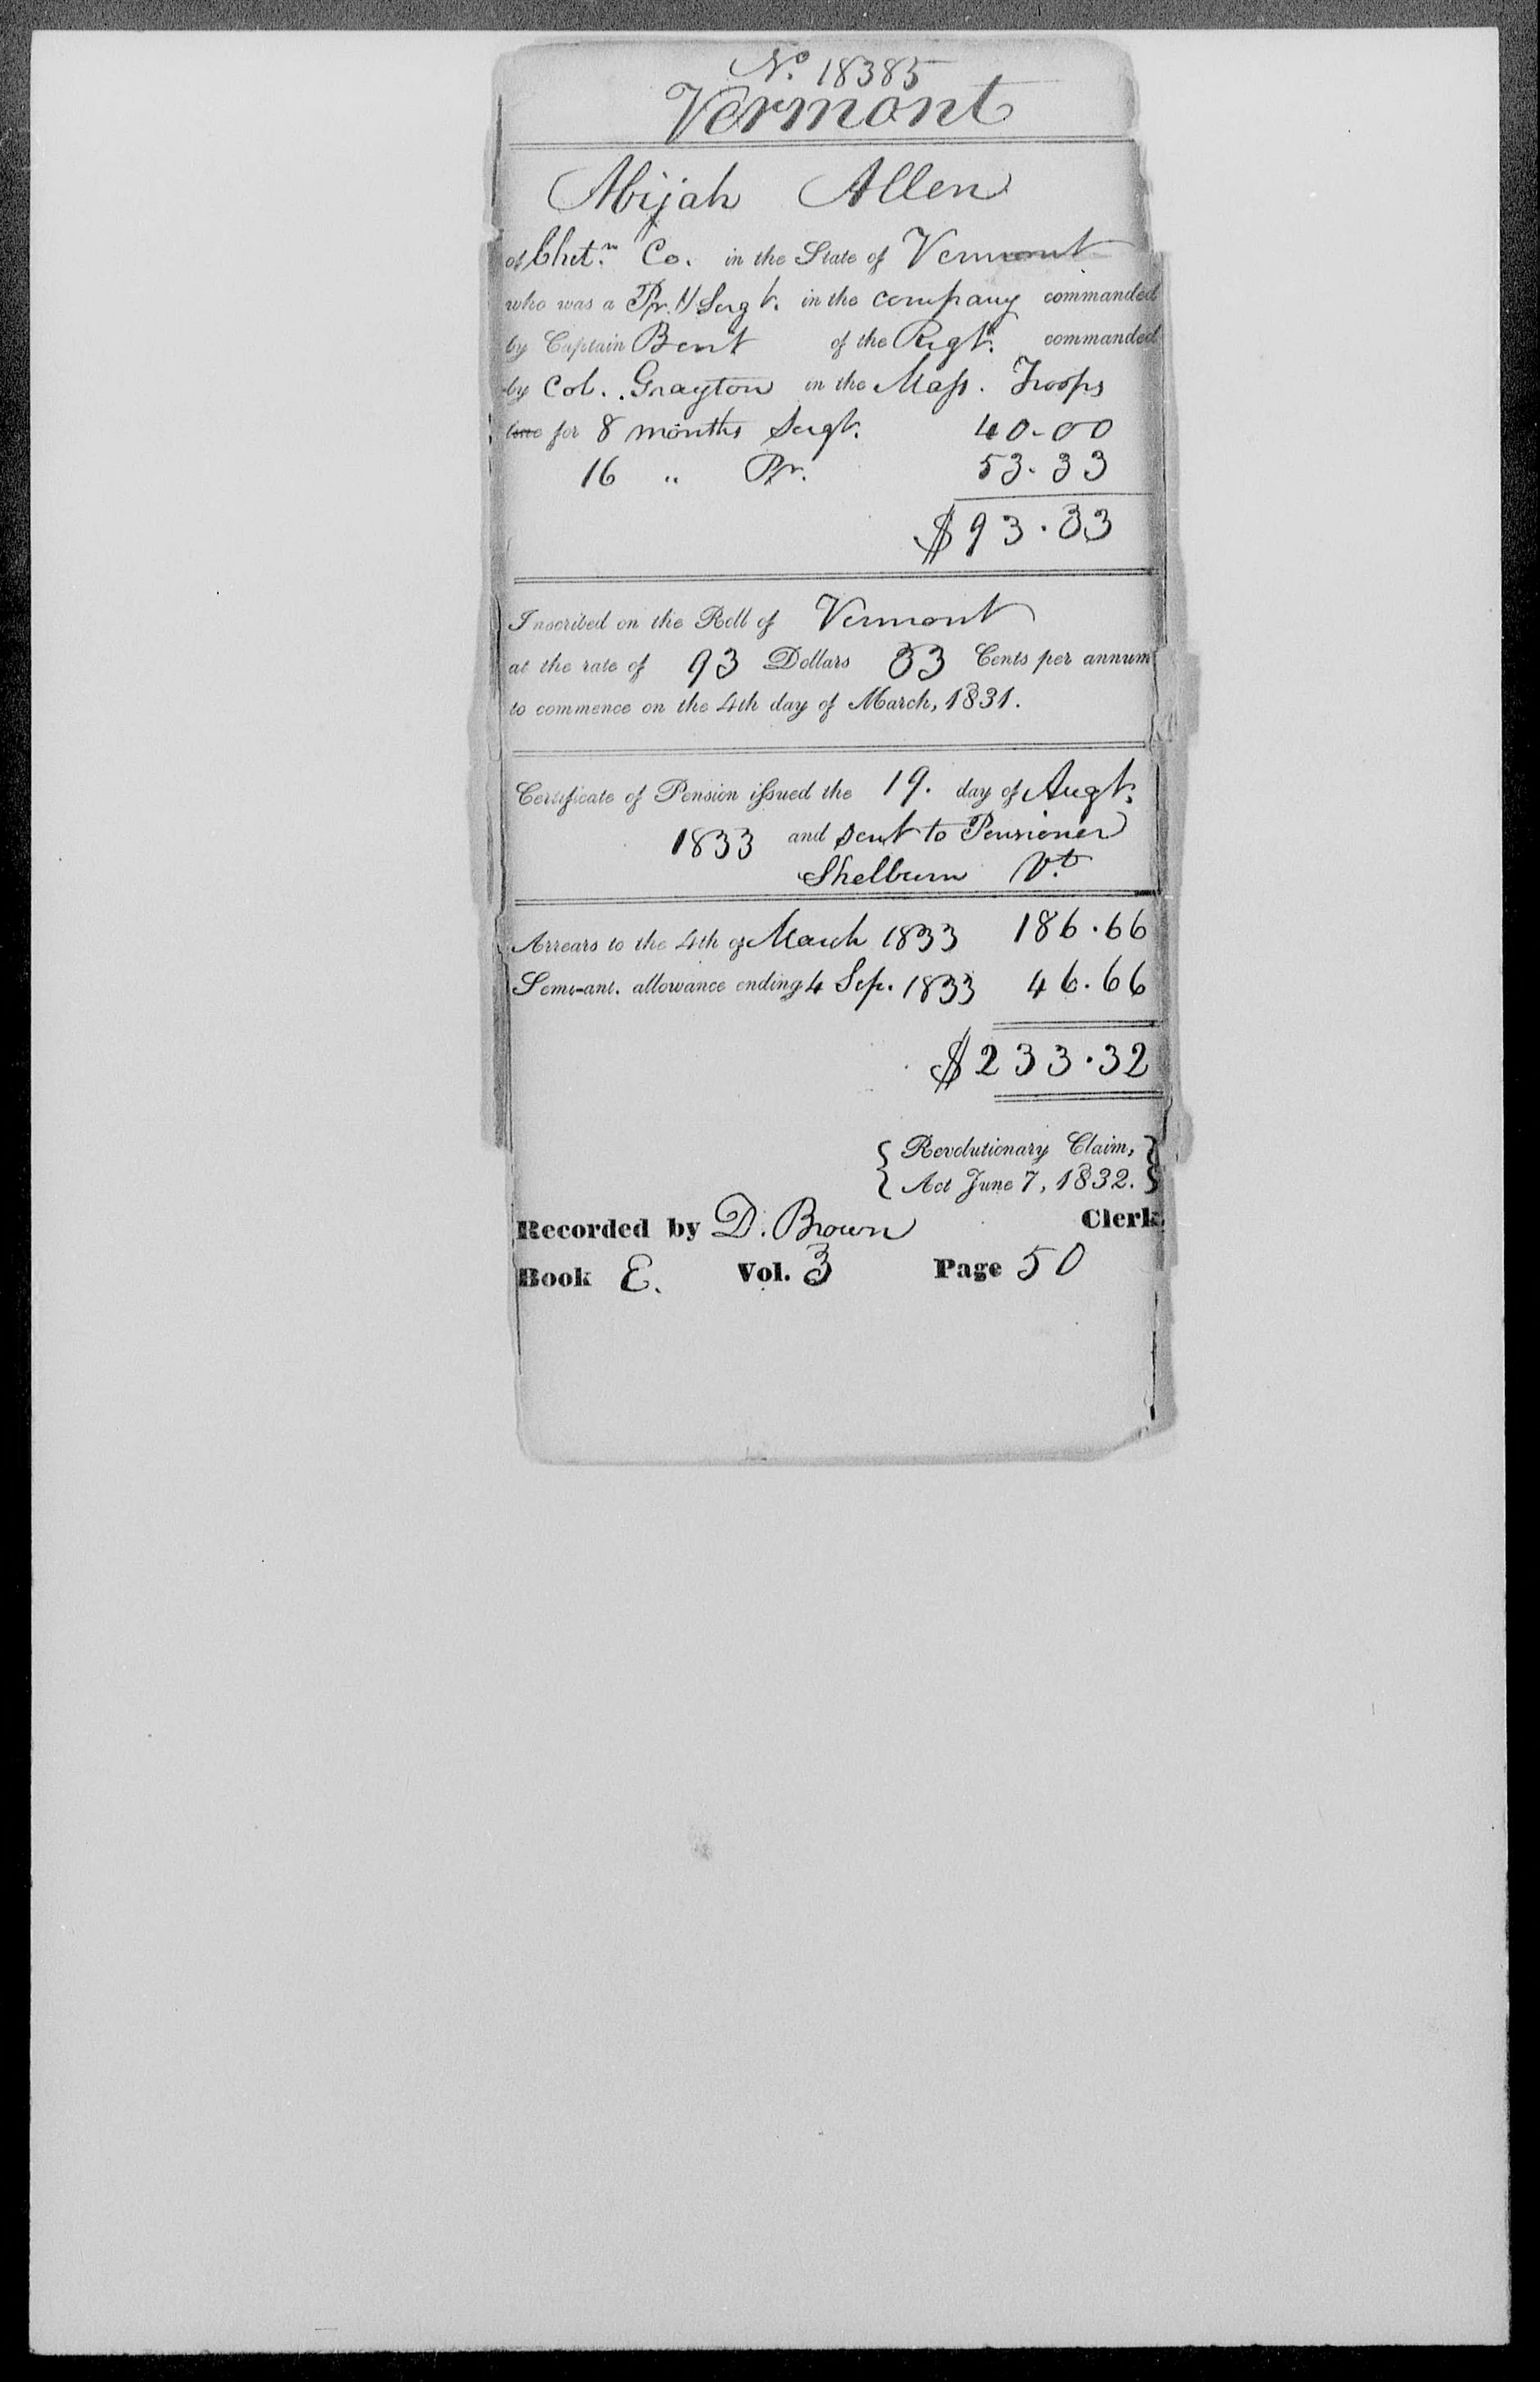No. 18385 
Vermont 
Abijah Allen 
of Chat. Co. in the State of Vermont who was a Pr. Sergt. in the company commanded by Captain Bent of the Regt. commanded by Col. Grayton in the Mass. Troops for 8 months sergt. 
16..Pr. 
40.00
53.33
$93.33

Inscribed on the Roll of Vermont at the rate of 93 Dollars 33 Cents per annum to commence on the 4th day of March, 1831. 
Certificate of Pension issued the 19. day of Augt. 1833 and sent to Pensioner Shelburn Vt. 
Arrears to the 4th day of March 1833 186.66
Semi-ant. allowance ending 4 Sep. 1833 46.66
$233.32
Revolutionary Claim, 
Act June 7, 1832. 
Recorded by D. Brown Clerk
Book E. Vol. 3 Page 50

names: Bent, Grayton, Abijah Allen, D Brown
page: 2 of 21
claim: survivor's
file: S. 15356, Abijah Allen, Mass.